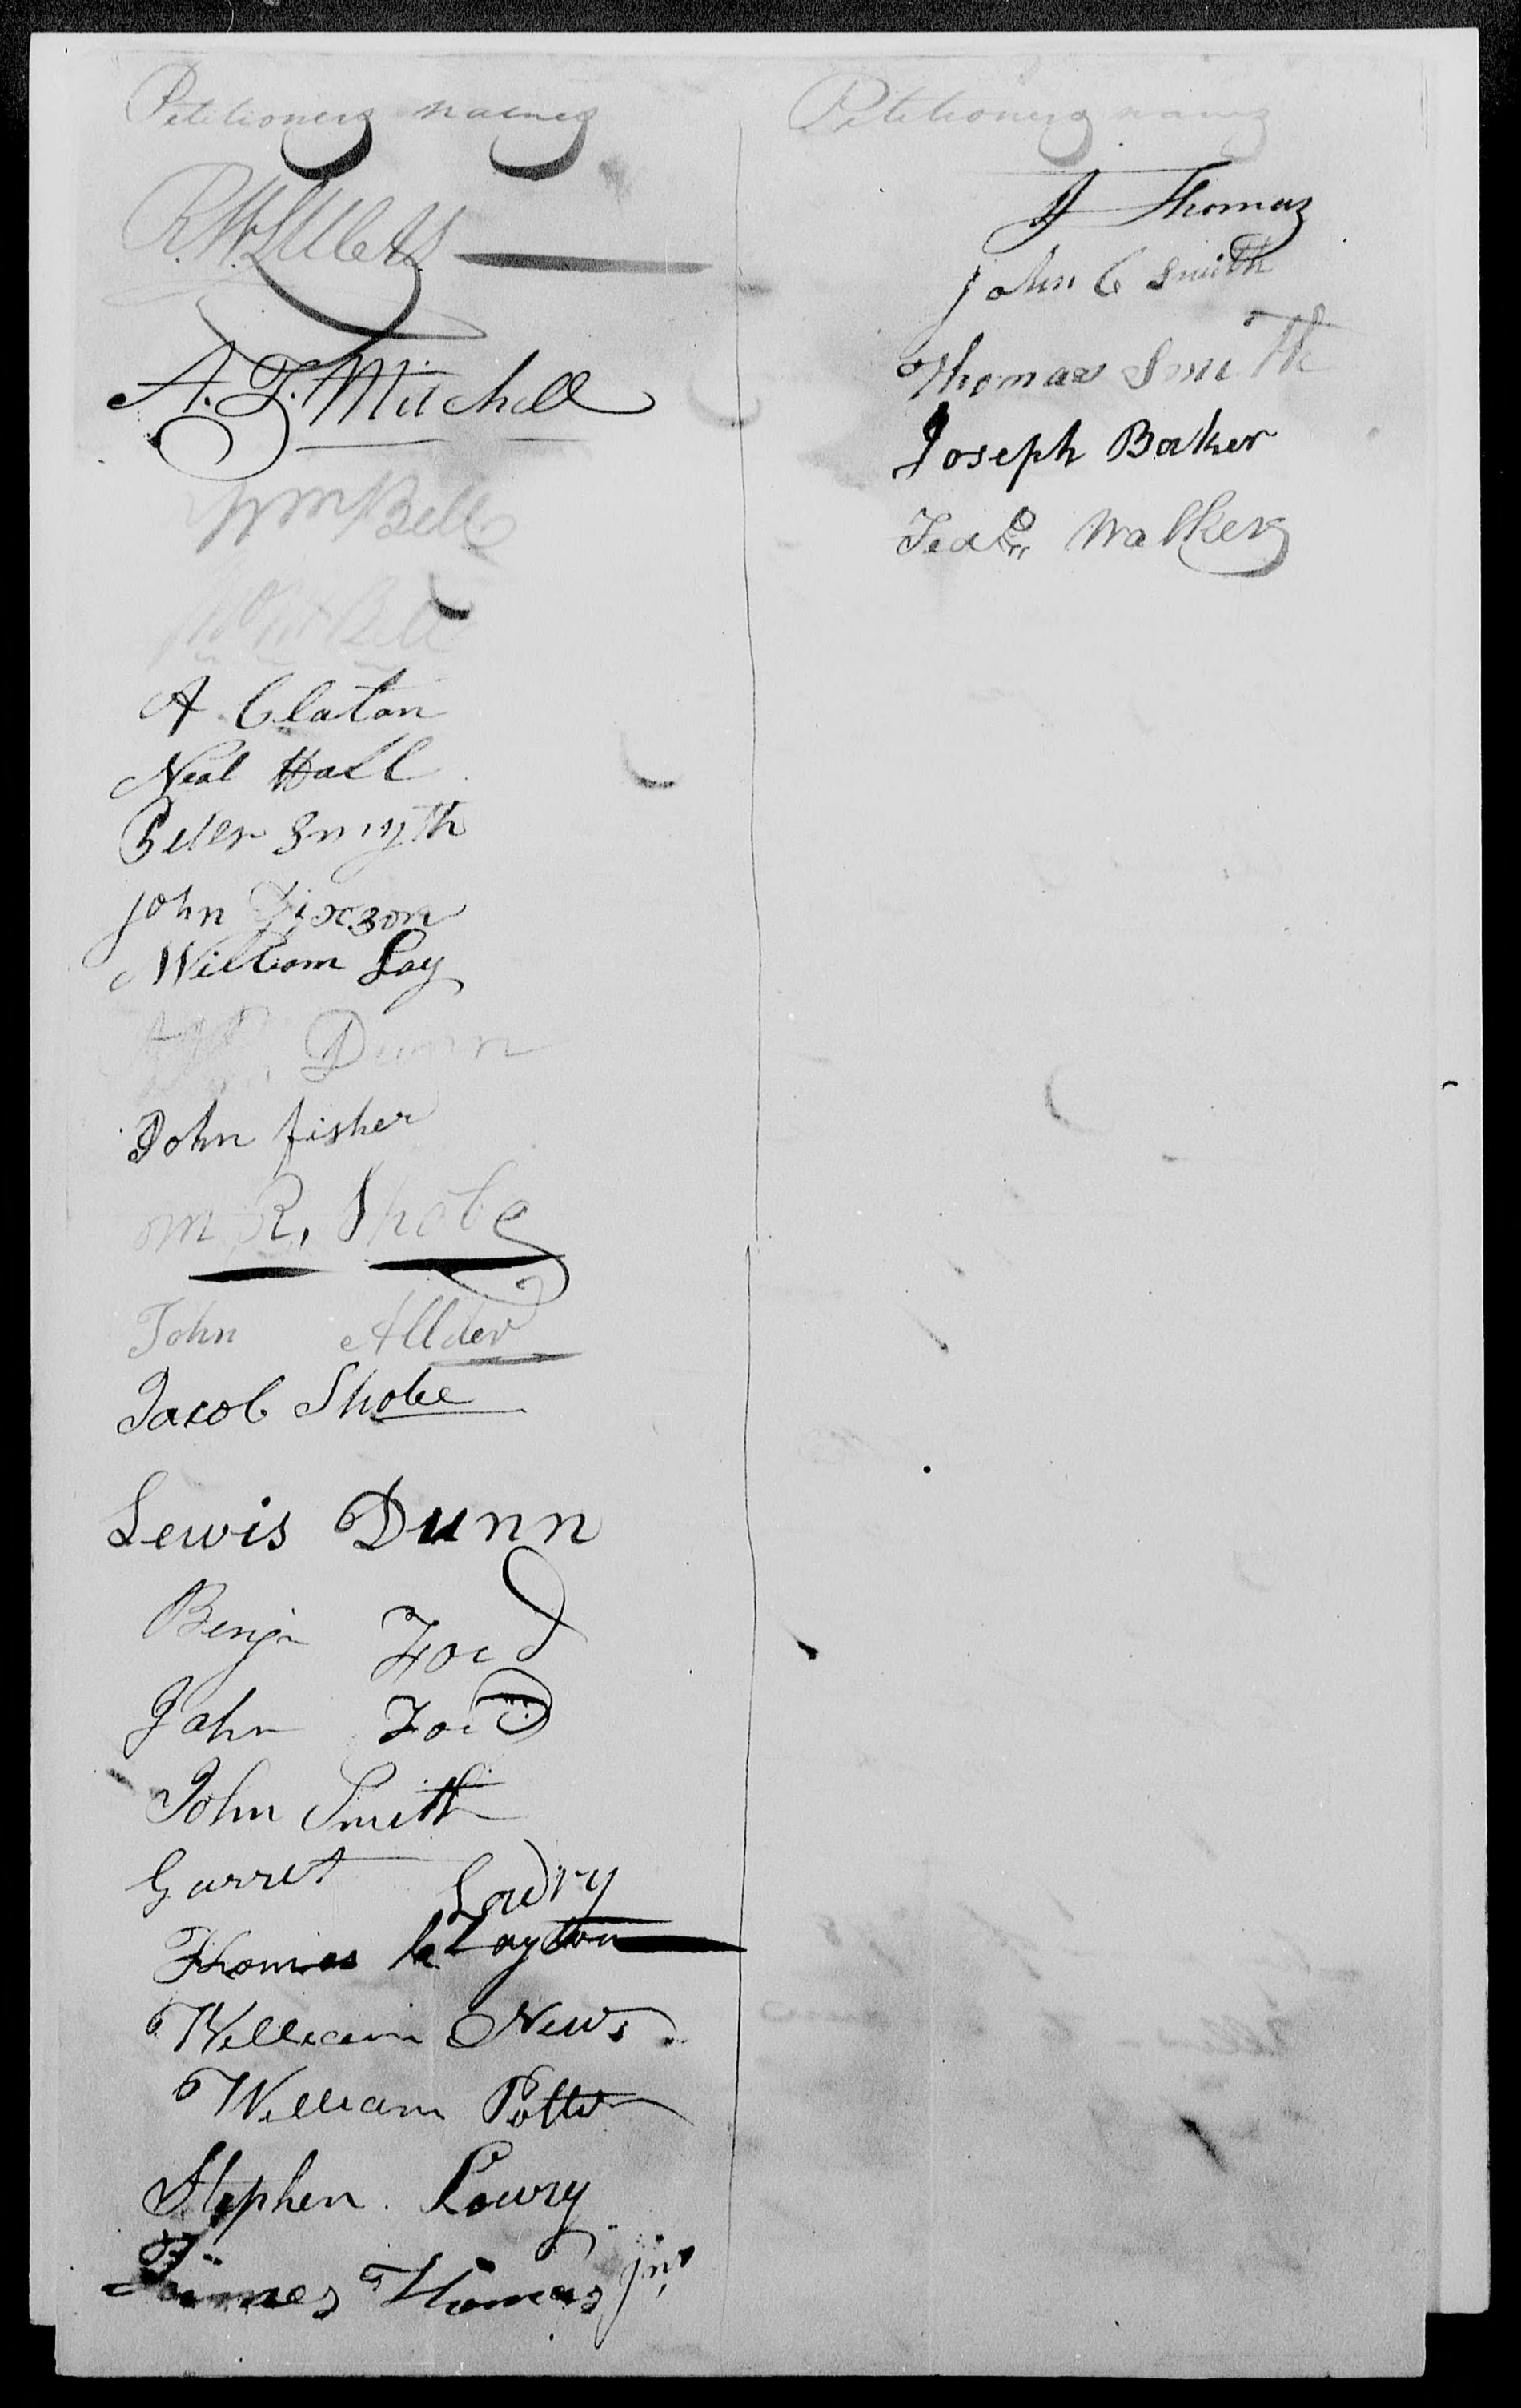Petitioners named

R. W. Allen
A. G. Mitchell
William Bell
A. Claton
Neal Hall
Peter Smyth
John 
William Lay
Dunn
John Fisher
M. R. Shabe
John Allen
Jacob Sholee
Lewis Dunn
Benjamin Ford
John Ford
John Smith
Garret Lowry
Thomas Clayton
William Hews
William Potter
Stepehen Lowry
James Thomas

Petitioning
J. Thoas
John C. Smith
Thomas Smith
Joseph Booker
Malkers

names: John Dixson, Joseph Booker, R W Lulets, Dunn, J Thomas, A Claton, John Allder, William Potter, Jacob Shobe, Stephen Lowry, Wm Bell, Lewis Dunn, Neal Hall, William Lay, Wm Bell, John C Smith, John Fisher, Garret Lowry, John Ford, Fed Walker, William New, Benjn Ford, James Thomas, Thomas Clayton, A T Mitchell, Thomas Smith, John Smith, M R Shobe, Peter Smyth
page: 17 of 22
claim: survivor's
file: S. 36399, Charles Allen, Va.